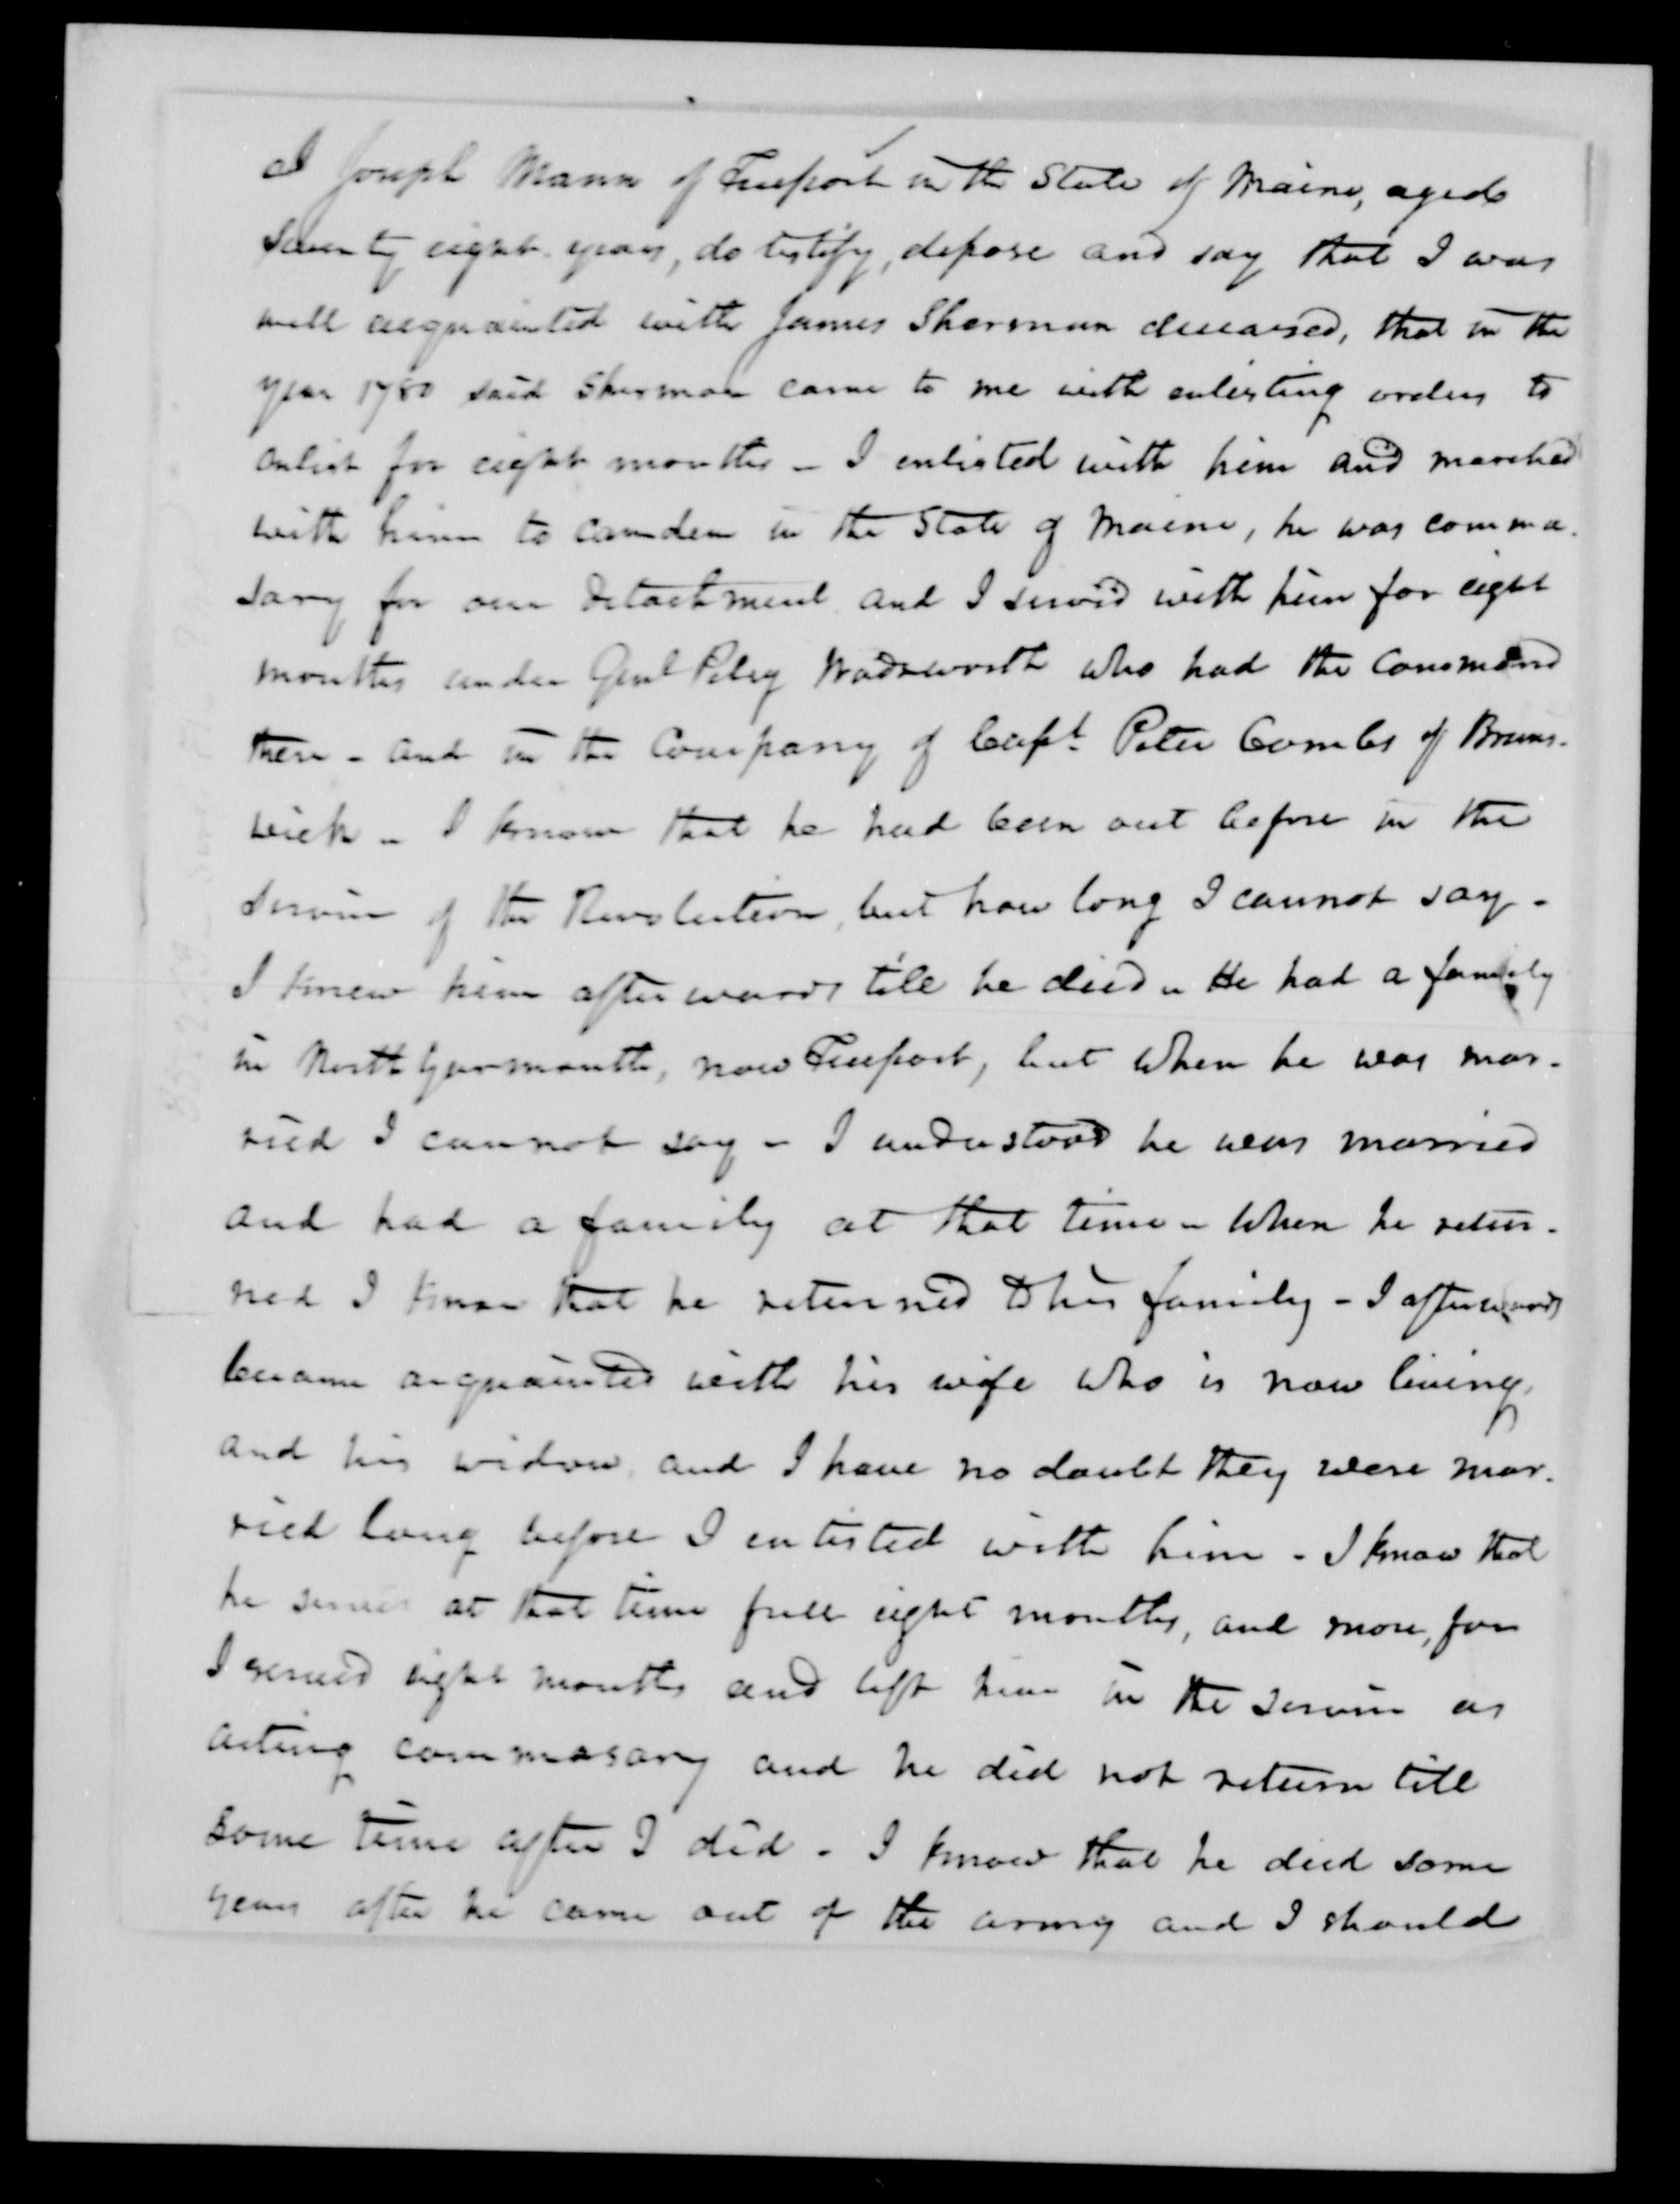[doc is written; page 1 of multipage doc]

I Joseph Mann of Freeport in the State of Maine, aged
Seventy eight years, do testify, depose and say that I was
well acquainted with James Sherman deceased, that in the
year 1780 said Sherman came to me with enlisting orders to
enlist for eight months---I enlisted with him and marched
with him to Camden in the State of Maine, he was comma
sary for our detachment and I served with him for eight
months under Genl Peleg Wadsworth who had command
then---and in the Company of Capt Peter Combs of Bruns
wick---I know that he had been out before in the
service of the Revolution, but how long I cannot say.
I knew him afterwards till he died---He had a family
in North Yarmouth, now Freeport, but when he was mar
ried I cannot say---I understood he was married
and had a family at the time---When he retur
ned I knew that he returned to his family---I afterwards
became acquainted with his wife Who is now living
and his widow and I have no doubt they were mar
ried long before I enlisted with him. I know that
he served at that time full eight months and more for
I served eight months and left him in the service as
acting Commasary and he did not return till
some time after I did. I know that he died some
years after he came out of the army and I should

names: Peter Combs; Peleg Wadsworth; James Sherman; [BLANK] Sherman; Joseph Mann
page: 7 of 20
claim: widow's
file: W. 22,200, for James Sherman, Massachusetts